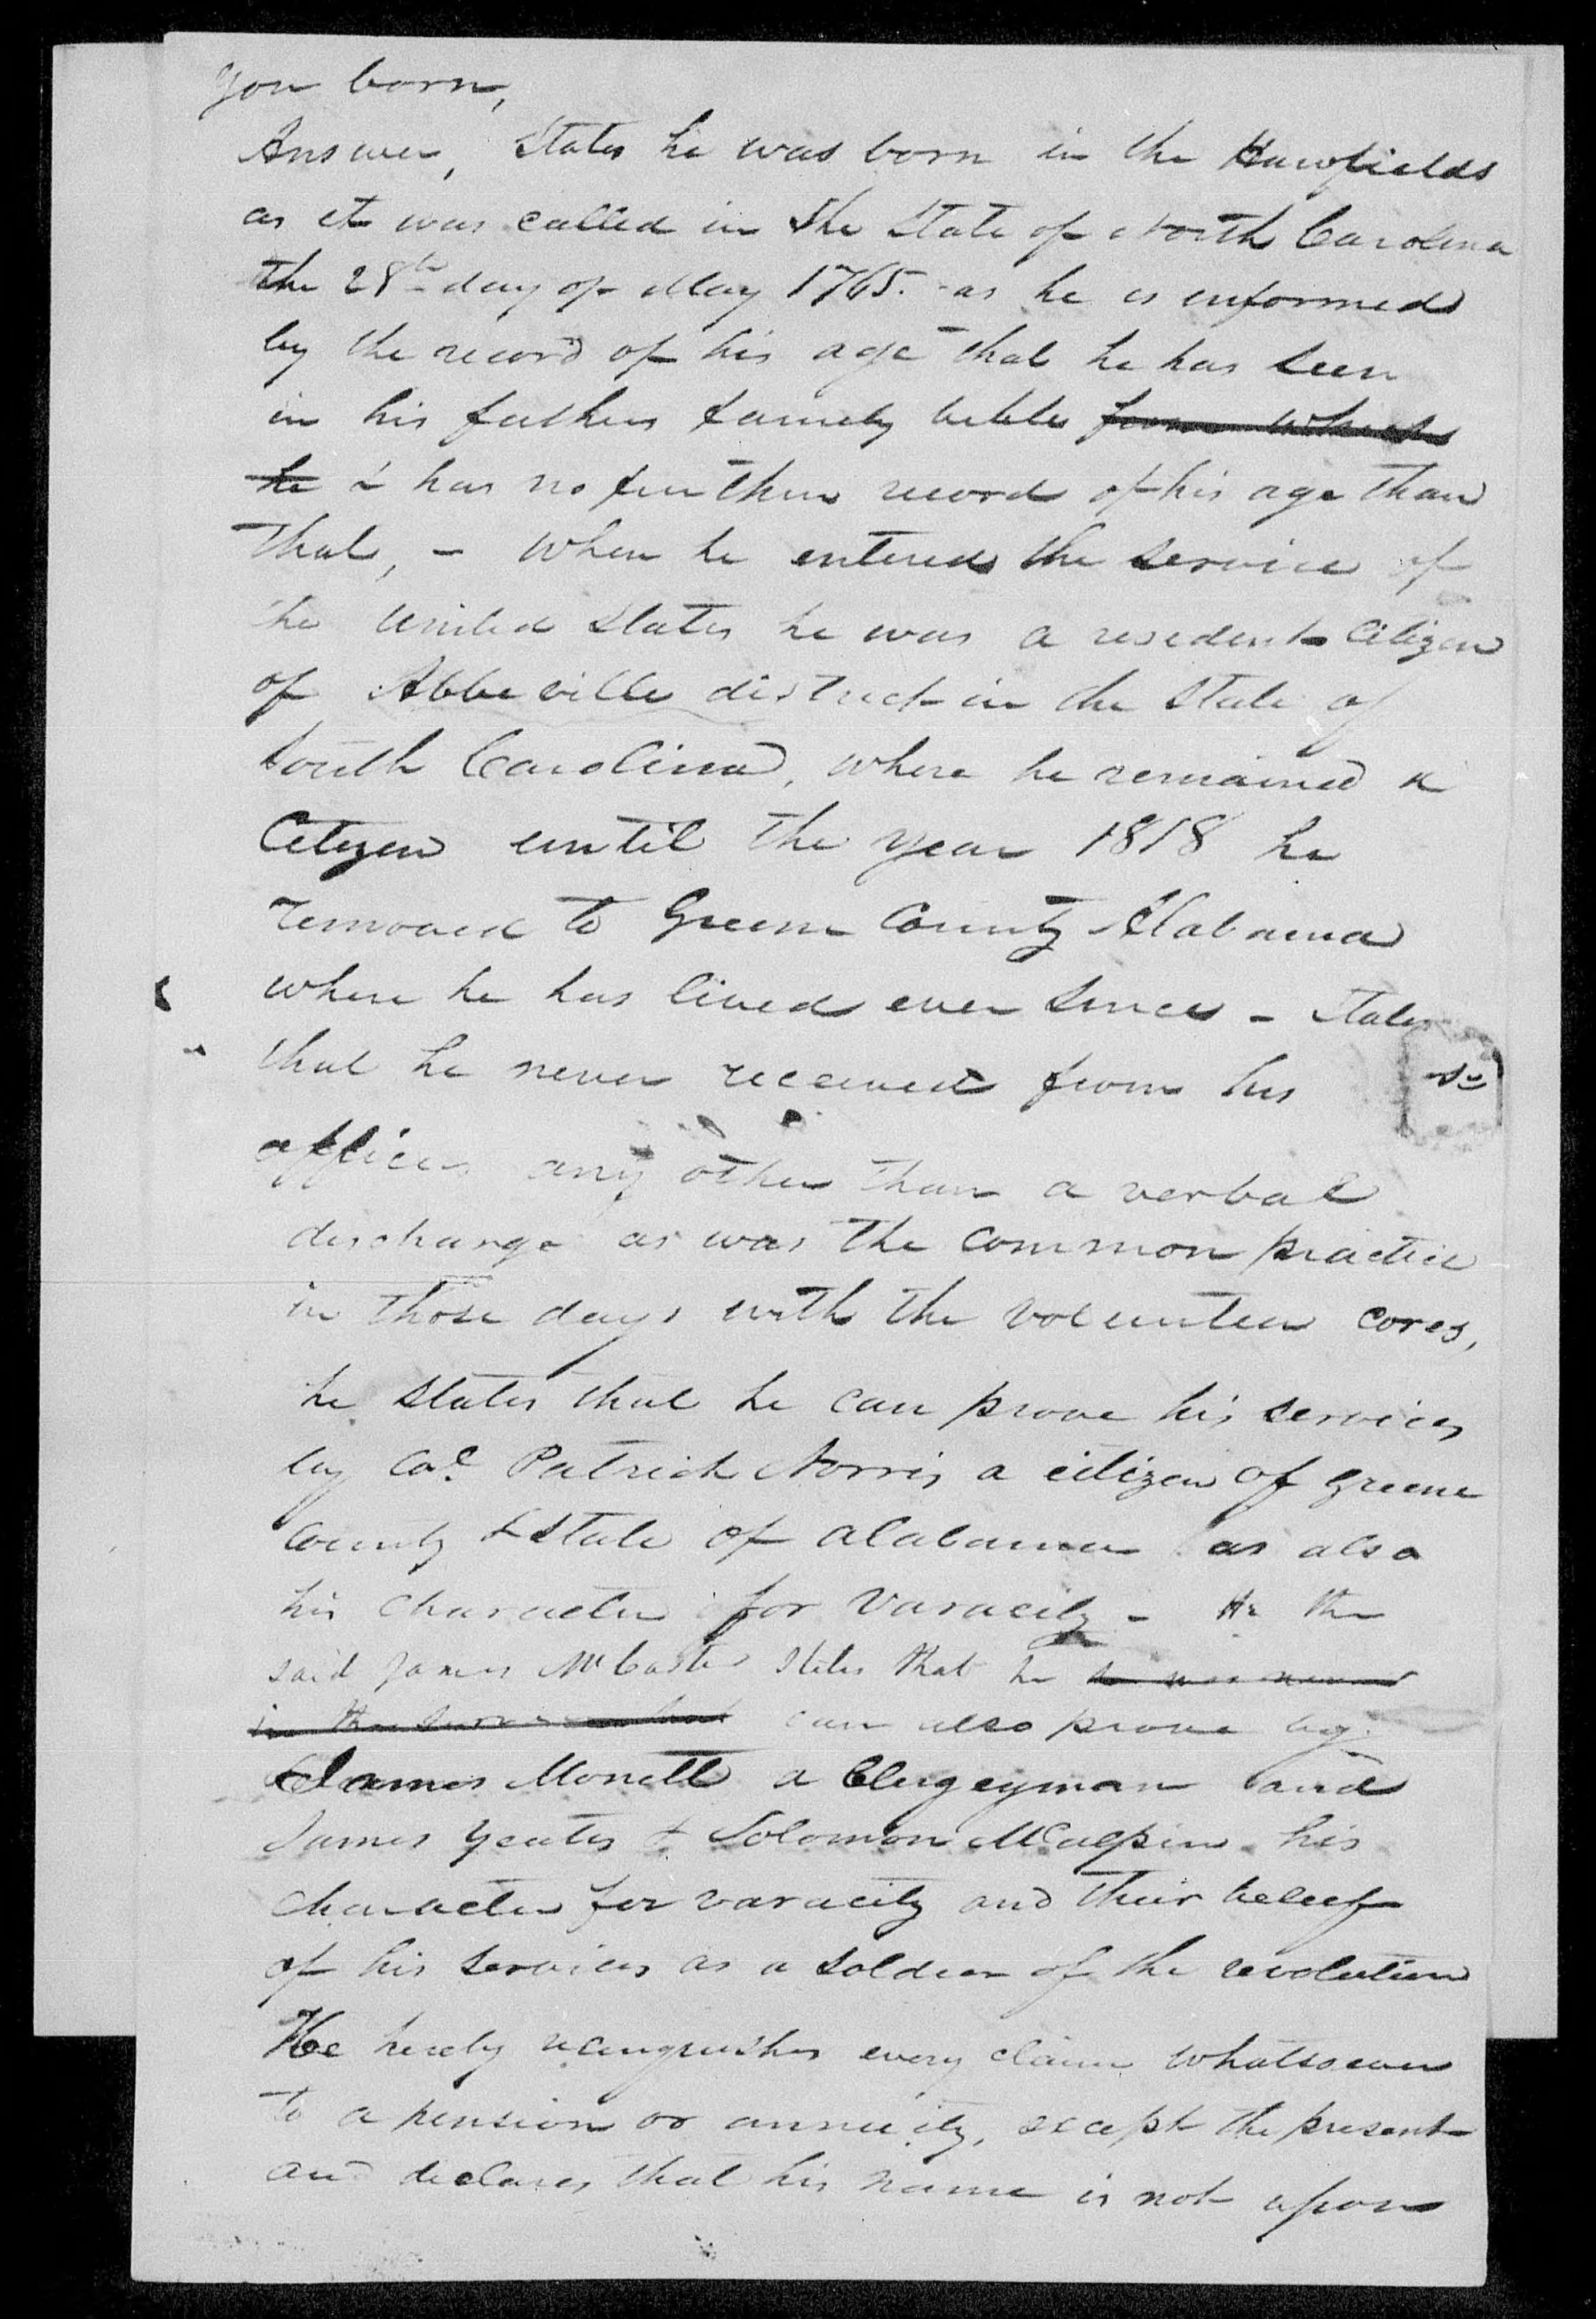you born
Answer. States he was born in the Hawfields
as it was called in the State of North Carolina
the 28th day of May 1765 as he is informed
by the record of his age that he has been
in his fathers family bible he has no further record of his age than that - when he entered the service of the United States he was a resident Citizen of Abbeville District in the State of South Carolina where he remained a
Citizen until the year 1818 he removed to Green County Alabama where he has lived ever since - State that he never received from his officer any other than a verbal discharge as was the common practice in those days with the volunteer cores, he states that he can prove his services by Col Patrick Norris a citizen of Greene County & State of Alabama as also his character for veracity. He the
said James McCarter states that he can also prove by James Monett a Clergyman and
James Yeates + Solomon McAlpine his
character for veracity and their belief of his services as a soldier of the revolution He hereby anguishes every claim whatsoever
to a pension or annuity, except the present
and declares that his name is not upon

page: 8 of 45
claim: survivor's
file: S. 13,890, for James Mc Carter, South Carolina